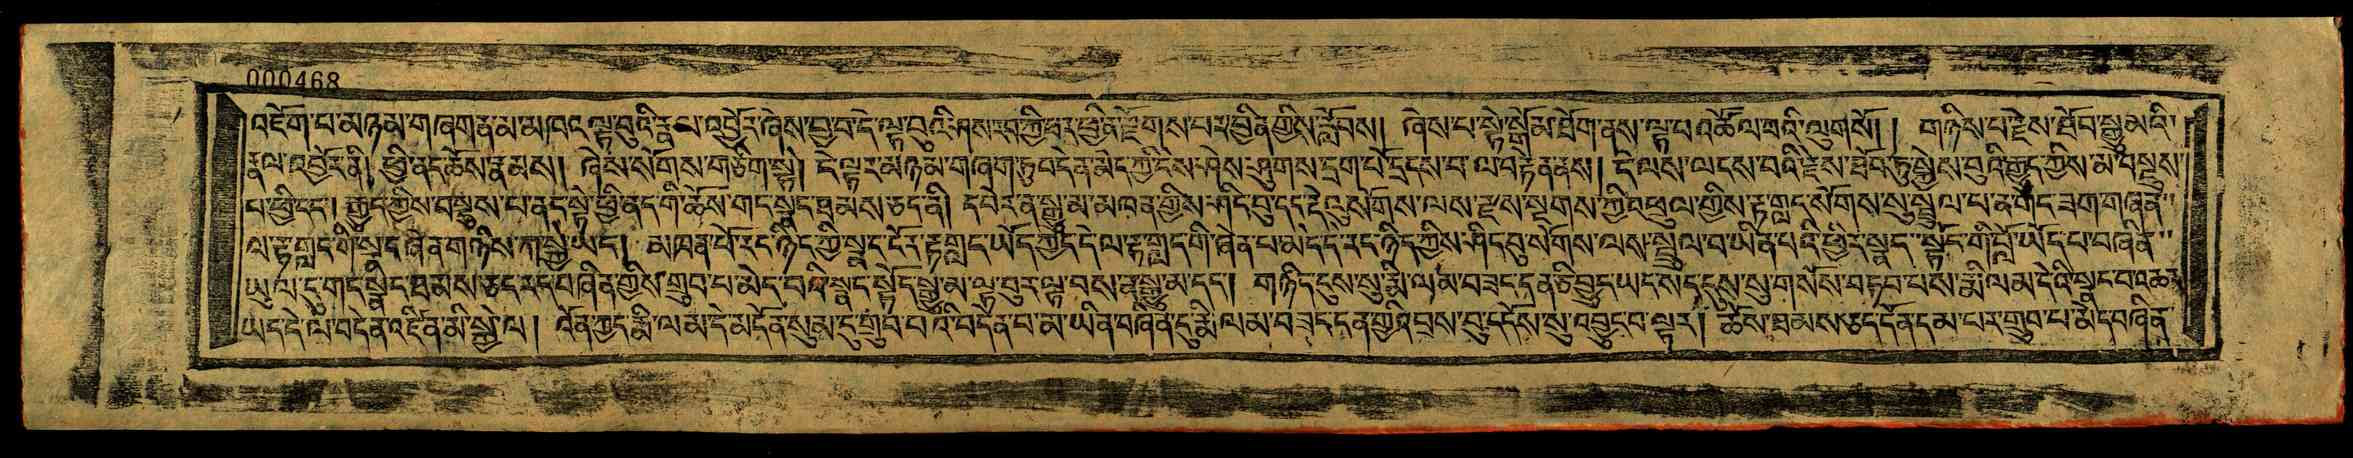འཇོག་པ་མཉམ་གཞག་ནམ་མཁའ་ལྟ་བུའི་རྣལ་འབྱོར་ཞེས་བྱ་བ་དེ་ལྟ་བུའི་ཤེས་རབ་ཀྱི་ཕར་ཕྱིན་རྫོགས་པར་བྱིན་གྱིས་རློབས། ཞེས་པ་སྟེ་སྒོམ་ཐོག་ནས་ལྟ་བ་འཚོལ་བའི་ལུགས་སོ། །གཉིས་པ་རྗེས་ཐོབ་སྒྱུ་མའི་
རྣལ་འབྱོར་ནི། ཕྱི་ནང་ཆོས་རྣམས། ཞེས་སོགས་གཅིག་སྟེ། དེ་ལྟར་མཉམ་གཞག་ཏུ་བདེན་མེད་ཀྱི་ངེས་ཤེས་ཤུགས་དྲག་པོ་དྲངས་པ་ལ་བརྟེན་ནས། དེ་ལས་ལངས་པའི་རྗེས་ཐོབ་ཏུ་སྐྱེས་བུའི་རྒྱུད་ཀྱིས་མ་བསྡུས་
པ་ཕྱི་དང་། རྒྱུད་ཀྱིས་བསྡུས་པ་ནང་སྟེ་ཕྱི་ནང་གི་ཆོས་གང་སྣང་ཐམས་ཅད་ནི། དཔེར་ན་སྒྱུ་མ་མཁན་གྱིས་ཤིང་བུ་དང་རྡེའུ་སོགས་ལས་རྫས་སྔགས་ཀྱི་འཕྲུལ་གྱིས་རྟ་གླང་སོགས་སུ་སྤྲུལ་པ་ན་གང་ཟག་གཞན་
ལ་རྟ་གླང་གི་སྣང་ཞེན་གཉིས་ཀ་སྐྱེ་ཡང།། མཁན་པོ་རང་ཉིད་ཀྱི་སྣང་ངོར་རྟ་གླང་ཡོད་ཀྱང་དེ་ལ་རྟ་གླང་གི་ཞེན་པ་མེད་དེ་རང་ཉིད་ཀྱིས་ཤིང་བུ་སོགས་ལས་སྤྲུལ་པ་ཡིན་པའི་ཕྱིར་སྣང་སྟོང་གི་བློ་ཡོད་པ་བཞིན་
ཡུལ་དུ་གང་སྣང་ཐམས་ཅད་རང་བཞིན་གྱིས་གྲུབ་པ་མེད་པའི་སྣང་སྟོང་སྒྱུ་མ་ལྟ་བུར་ལྟ་བས་ན་སྒྱུ་མ་དང་། གཉིད་དུས་སུ་རྨི་ལམ་བཟང་ངན་ཅི་བྱུང་ཡང་སད་དུས་སུ་གསོས་བཏབ་པས་རྨི་ལམ་དེའི་སྣང་བ་འཆར་
ཡང་དེ་ལ་བདེན་འཛིན་མི་སྐྱེ་ལ། འོན་ཀྱང་རྨི་ལམ་དེ་མངོན་སུམ་དུ་གྲུབ་པའི་བདེན་པ་མ་ཡིན་བཞིན་དུ་རྨི་ལམ་བཟང་ངན་གྱི་འབྲས་བུ་དངོས་སུ་འབྱུང་བ་ལྟར། ཆོས་ཐམས་ཅད་དོན་དམ་པར་གྲུབ་པ་མེད་བཞིན་